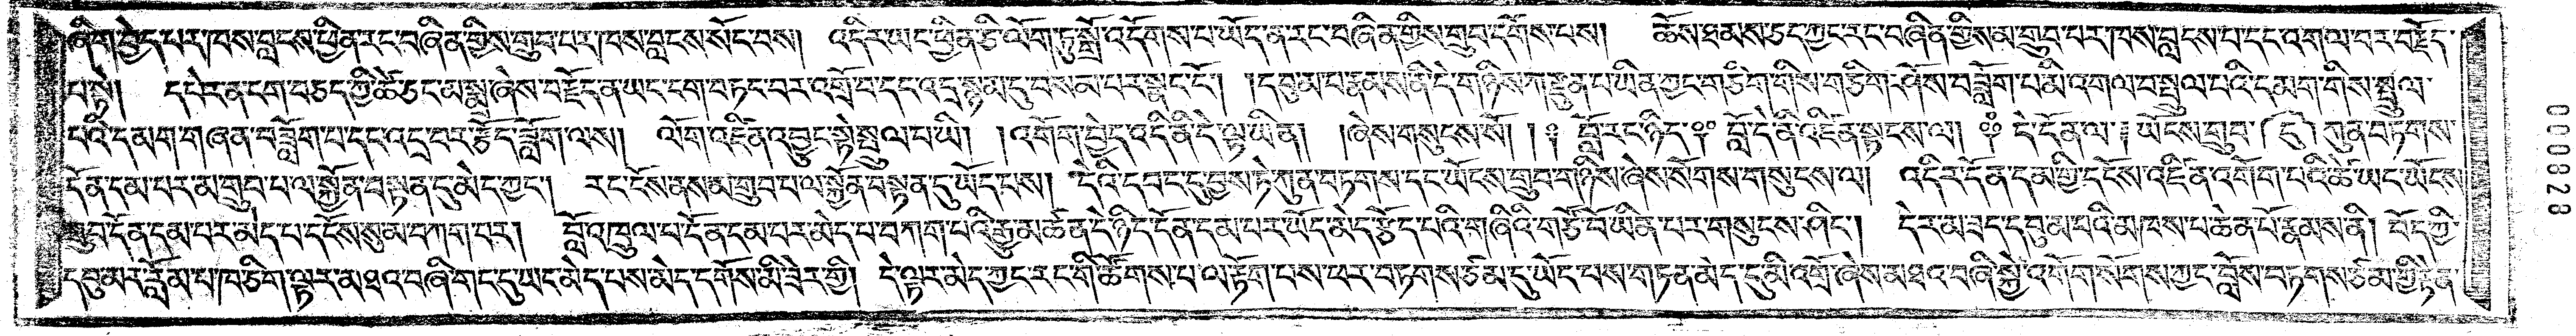ཞིག་བྱེད་པར་ཁས་བླངས་ཕྱིན་རང་བཞིན་གྱིས་གྲུབ་པར་ཁས་བླངས་སོང་བས། འདིར་ཡང་ཕྱིན་ཅི་ལོག་ཏུ་སྒྲོ་འདོགས་པ་ཡོད་ན་རང་བཞིན་གྱིས་གྲུབ་དགོས་པས། ཆོས་ཐམས་ཅད་ཀྱང་རང་བཞིན་གྱིས་མ་གྲུབ་བར་ཁས་བླངས་པ་དང་འགལ་བར་བརྗོད་
པ་སྟེ། དཔེར་ན་ངག་བཅད་ཀྱི་ཚེ་ཅང་མ་སྨྲ་ཞེས་བརྗོད་ན་ཡང་ངག་བཏང་བར་འགྲོ་བ་དང་འདྲ་སྙམ་དུ་བསམ་པར་སྣང་ངོ། །དབུ་མ་པ་རྣམས་ནི་དེ་གཉིས་ཀ་རྫུན་པ་ཡིན་ཀྱང་གཅིག་གིས་གཅིག་ཤོས་བཟློག་པ་མི་འགལ་བ་སྤྲུལ་པའི་དམག་གིས་སྤྲུལ་
པའི་དམག་གཞན་བཟློག་པ་དང་འདྲ་བར་རྩོད་ཟློག་ལས། ལོག་འཛིན་འབྱུང་སྟེ་སྤྲུལ་པ་ཡི། །འགོག་བྱེད་འདི་ནི་དེ་ལྟ་ཡིན། །ཞེས་གསུངས་སོ། ༈ །བློ་རང་ཉིད་༈ བློ་དེ་ནི་འཛིན་སྟངས་ལ། ༑ དེ་དོན་ལ་༑ ཡོངས་གྲུབ ༼དུ༽ ཀུན་བཏགས་
དོན་དམ་པར་མ་གྲུབ་པ་ལ་སྐྱོན་བསྟན་དུ་མེད་ཀྱང་། རང་ངོས་ནས་མ་གྲུབ་པ་ལ་སྐྱོན་བསྟན་དུ་ཡོད་པས། དེའི་དབང་དུ་བྱས་ཏེ་ཀུན་བཏགས་དང་ཡོངས་གྲུབ་གཉིས་ཞེས་སོགས་གསུངས་ལ། འདིར་དོན་དམ་གྱི་དངོས་འཛིན་འགོག་པའི་ཚེ་ཡང་ཡོངས་
གྲུབ་དོན་དམ་པར་མེད་པ་དངོས་སུ་མ་བཀག་པར། བློ་འཁྲུལ་པ་དོན་དམ་པར་མེད་པ་བཀག་པའི་རྒྱུ་མཚན་དེ་ཉིད་དོན་དམ་པར་ཡོད་མེད་རྩོད་པའི་གཞིའི་གཙོ་བོ་ཡིན་པར་གསུངས་ཤིང་། དེར་མ་ཟད་དབུ་མ་པའི་མཁས་པ་ཆེན་པོ་རྣམས་ནི། བོད་ཀྱི་
དབུ་མར་རློམ་པ་ཁ་ཅིག་ལྟར་མཐའ་བཞི་གང་དུ་ཡང་མེད་པས་མེད་དགོས་མི་ཟེར་གྱི། དེ་ལྟར་མེད་ཀྱང་རང་གི་ཚོགས་པ་ལ་རྟོག་པས་ཕར་བཏགས་ཙམ་དུ་ཡོད་པས་གཏན་མེད་དུ་མི་འགྲོ་ཞེས་མཐའ་བཞི་སྐྱེ་འགོག་སོགས་ཀྱང་བློས་བཏགས་ཙམ་གྱི་རྟེན་